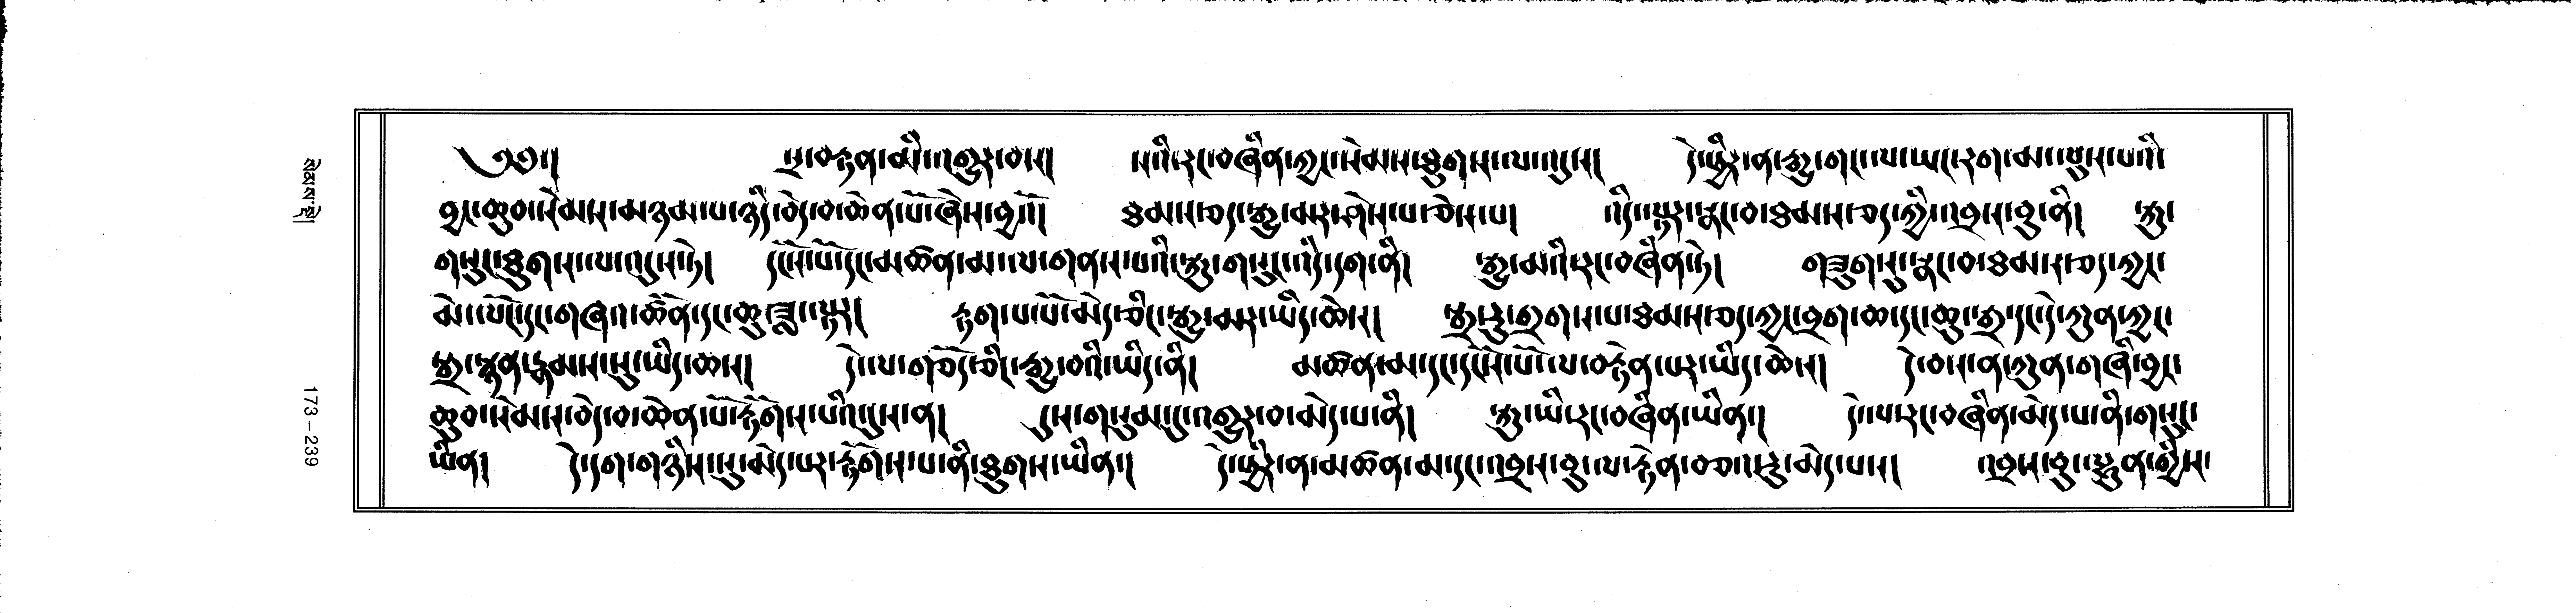སྲ་བརྟན་མི་འགྱུར་བས། སའི་རང་བཞིན་ཀྱང་སེམས་ཐུགས་ལ་འདུས། དེ་ཕྱིར་ན་རྒྱུ་གང་ལ་ཡང་རག་མ་ལུས་པའི་
བྱང་ཆུབ་སེམས་མཉམ་པ་ཉིད་བདེ་བ་ཆེན་པོ་ཞེས་བྱའོ། །ཐམས་ཅད་སྒྱུ་མར་ཤེས་པ་ཅེས་པ། འདི་ལྟར་སྣང་བ་ཐམས་ཅད་ཀྱི་འབྲས་བུ་ནི། སྐུ་
གསུང་ཐུགས་ལ་འདུས་ཏེ། དངོས་པོ་དང་མཚན་མ་ལ་གནས་པའི་སྐུ་གསུང་འདི་དག་ནི། སྒྱུ་མའི་རང་བཞིན་ཏེ། གཟུགས་སུ་སྣང་བ་ཐམས་ཅད་ཀྱང་
མེ་ལོང་དང་གཞའ་ཚོན་ཆུ་ཟླ་ལྟར། རྟག་པ་པོ་མེད་ཅིང་སྒྱུ་མར་ཡིད་ཆེས། སྒྲ་རུ་གྲགས་པ་ཐམས་ཅད་ཀྱང་བྲག་ཆ་དང་ཆུ་སྒྲ་དང་དེ་ཀུན་ཀྱང་
སྒྲ་སྙན་རྣམས་སུ་ཡིད་ཆེས། དེ་ལ་གཅོད་ཅིང་རྒྱུ་བའི་ཡིད་ནི། མཚན་མ་དང་དངོས་པོ་ལ་བརྟེན་པར་ཡིད་ཆེས། དེ་བས་ན་ཀུན་གཞི་བྱང་
ཆུབ་ཀྱི་སེམས་བདེ་བ་ཆེན་པོ་རྟོགས་པའི་དུས་ན། དུས་གསུམ་དུ་འགྱུར་བ་མེད་པ་ནི། སྐུ་ཡི་རང་བཞིན་ཡིན། དེ་ལ་རང་བཞིན་མེད་པ་ནི་གསུང་
ཡིན། དེ་དག་གཉིས་སུ་མེད་པར་རྟོགས་པ་ནི་ཐུགས་ཡིན། དེ་ཕྱིར་ན་མཚན་མ་དང་འབྲས་བུ་ལ་རྟེན་བཅའ་རུ་མེད་པས། འབྲས་བུ་ལྷུན་གྱིས་